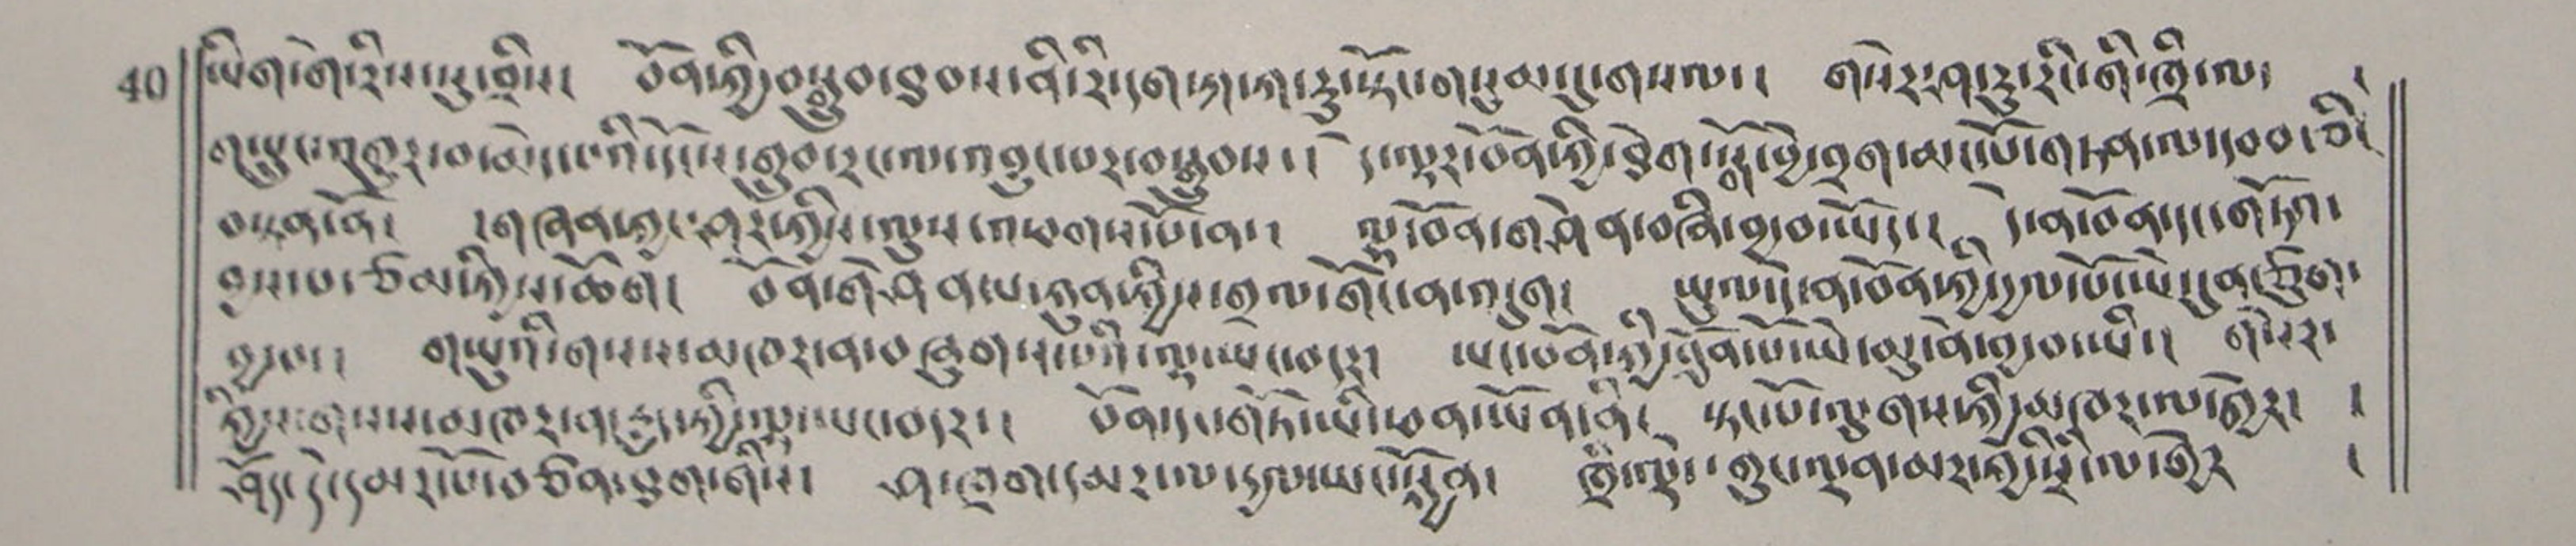ཡི་གེ་རིས་སུ་བྲིས། བོན་གྱི་བསྒྲུབ་ཐབས་ནི་རི་དྭགས་ཀ་ཀ་རུ་སྟོང་གསུམ་དུ་གསལ། གསེར་ཤ་རུ་རིང་གི་ཁྲི་ལ་
གཡུང་དྲུང་འགྱུར་བ་མེད་པའི་དངོས་གྲུབ་རང་ལ་འབྱུང་བར་བསྒྲུབས། དེ་ལྟར་བོན་གྱི་ཐེག་སྒོ་བྱེ་བྲག་མང་པོ་གཏན་ལ་དབབ་ཅིང་
བསྟན་ནོ། །གཞན་ཡང་ཤར་གྱི་ལུས་འཕགས་པོ་ན། ལྷ་བོན་གཤེན་བཞི་བྱ་བ་ཡོད། དེ་ན་བོན་དང་གཏོ་
བྱས་པ་ཙམ་གྱིས་ཆོག བོན་གཤེན་པ་ཀུན་ཀྱི་གྲལ་གོང་ན་འདུག ཡུལ་དེ་ན་བོན་གྱི་རྒྱལ་བོ་ཡེ་དུན་ཙུག་
བྱ་བ། གཡུའི་གསས་མཁར་ན་བཞུགས་པའི་ལྷ་ཡང་བདར། ཡང་བོན་གྱི་བློན་པོ་ཡེ་མུ་ནེ་བྱ་བ་ཡིས། གསེར་
གྱི་གསས་མཁར་ན་རྒྱུད་ཀྱི་ལྷ་ཡང་བདར། བོན་དང་གཏོའི་ཕན་ཡོན་ནི། སྟང་པོ་ལྕགས་ཀྱི་མཁར་ལ་གྱེར། 
ཤོད་དེ་དམར་པོའི་བཙན་ཐག་གིས། ཤ་ཁྲག་དམར་ལ་རྒྱལ་ཡང་སྐྱོན། ཁྲི་ལྡེ་གུངས་ལྡན་མར་གྱི་སྲི་ལ་གྱེར།